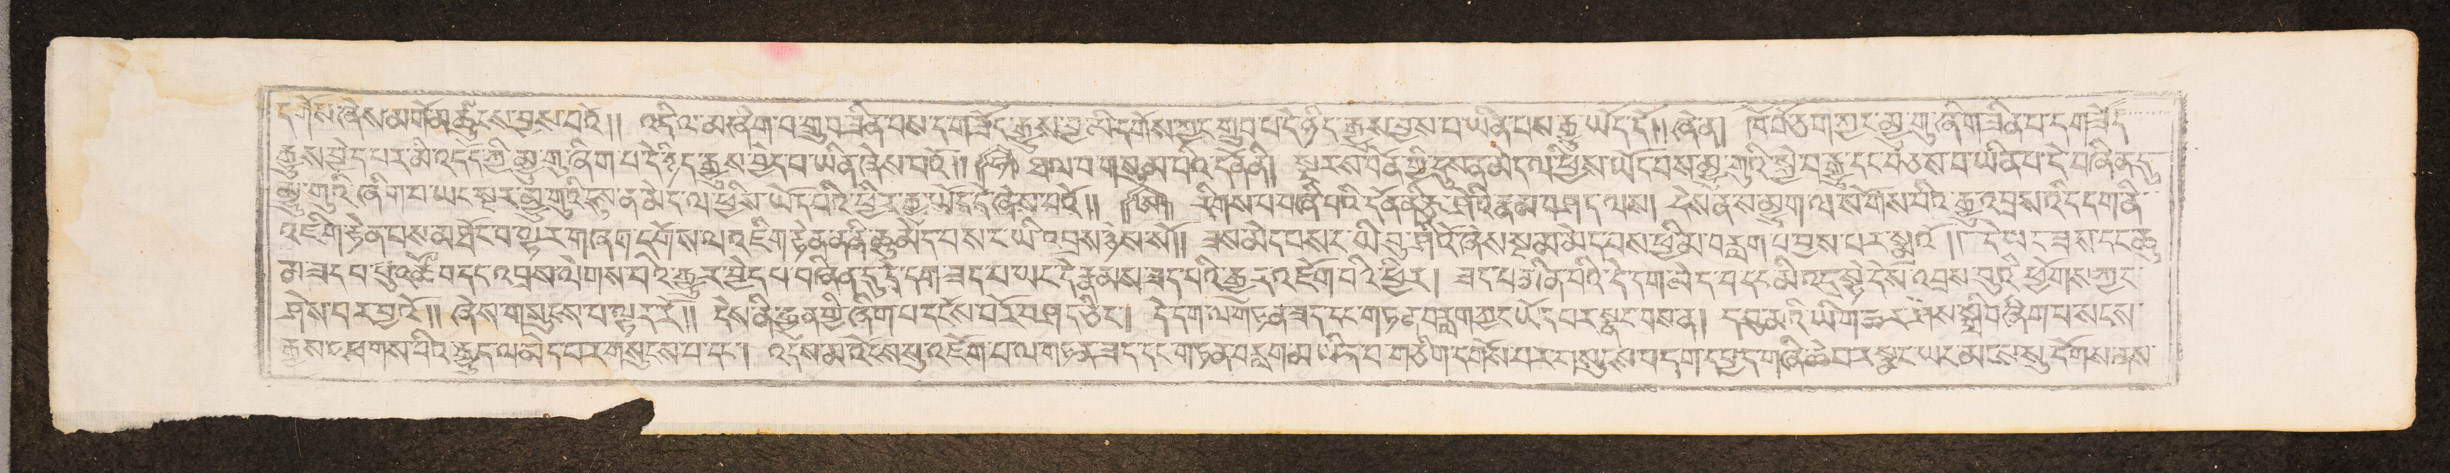དགོས་ཞེས་མགོ་མཚུངས་བྱས་པའོ། །འདི་ལ་མ་ཞིག་པ་གྲུབ་ཟིན་པས་ད་གཟོད་རྒྱུས་བྱ་མི་དགོས་ཀྱང་གྲུབ་པ་དེ་ཉིད་རྒྱུས་བྱས་པ་ཡིན་པས་རྒྱུ་ཡོད་དོ། །ཞེ་ན། ཁོ་བོ་ཅག་ཀྱང་མྱུ་གུ་ཞིག་ཟིན་པ་ད་གཟོད་
རྒྱུས་བྱེད་པར་མི་འདོད་ཀྱི་མྱུ་གུ་ཞིག་པ་དེ་ཉིད་རྒྱུས་བྱེད་པ་ཡིན་ཞེས་པའོ།། ༼༽ཧ༼༽ ཐལ་བ་གསུམ་པའི་དོན་ནི། སྔར་ས་བོན་གྱི་དུས་ན་མེད་ལ་ཕྱིས་ཡོད་པས་མྱུ་གུའི་སྐྱེ་བ་རྒྱུ་དང་བཅས་པ་ཡིན་པ་དེ་བཞིན་དུ་
མྱུ་གུའི་ཞིག་པ་ཡང་སྔར་མྱུ་གུའི་དུས་ན་མེད་ལ་ཕྱིས་ཡོད་པའི་ཕྱིར་རྒྱུ་ཡོད་དེ་ཞེས་པའོ།། ༼༽ཨ༼༽ རིགས་པ་བཞི་པའི་དོན་ནི་རྩ་ཤེའི་རྣམ་བཤད་ལས། དེས་ན་ས་མྱུག་ལ་སོགས་པའི་རྒྱུ་འབྲས་འདི་དག་ནི་
འཇིག་རྟེན་པས་མཐོང་བ་ལྟར་གཞག་དགོས་ལ་འཇིག་རྟེན་ན་ནི་ཆུ་མེད་པས་ང་ཡི་འབྲས་ཉེས་སོ། །ཟས་མེད་པས་ང་ཡི་བུ་ཤིའོ་ཞེས་སྔ་མ་མེད་པས་ཕྱི་མ་བརླག་པ་བྱས་པར་སྨྲའོ། །དེ་ཡང་ཟས་དང་ཆུ་
མ་ཟད་པ་བུ་འཚོ་བ་དང་འབྲས་ལེགས་པའི་རྒྱུར་བྱེད་པ་བཞིན་དུ་དེ་དག་ཟད་པ་ཡང་དེ་རྣམས་ཟད་པའི་རྒྱུར་འཇོག་པའི་ཕྱིར། ཟད་པ་མིན་པའི་དེ་དག་མེད་བ་དང་མི་འདྲ་སྟེ་ངེས་འབྲས་བུའི་ཕྱོགས་ཀྱང་
ཤེས་པར་བྱའོ། །ཞེས་གསུངས་པ་ལྟར་རོ། །དེས་ནི་རྒྱུན་གྱི་ཞིག་པ་དངོས་པོར་བཤད་ཅིང་། དེ་དག་ལ་གཏན་ཟད་དང་གཏན་བརླག་ཀྱང་ཡོད་པར་སྣང་བས་ན། དབུ་མའི་ཡིག་ཆར་ཤེས་སྒྲིབ་ཞིག་པ་སངས་
རྒྱས་འཕགས་པའི་རྒྱུད་ལ་མེད་པར་གསུངས་པ་དང་། འདས་མ་འོངས་སུ་འཇོག་པ་ལ་གཏན་ཟད་དང་གཏན་བརླག་མ་ཡིན་པ་གཅིག་དགོས་པར་གསུངས་པ་དག་དཔྱད་གཞི་ཆེ་བར་སྣང་ཡང་མངས་སུ་དོགས་ནས་